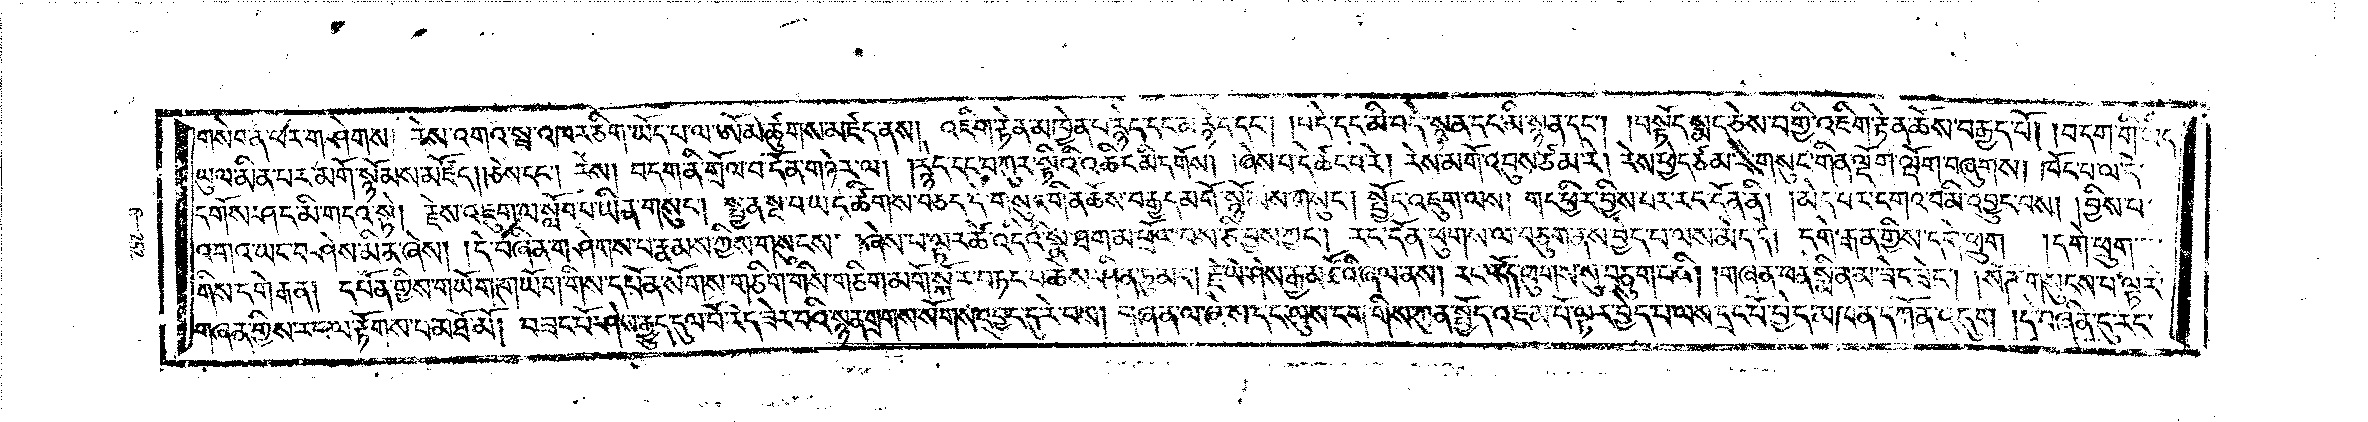གསེབ་ན་ཕར་གཤེགས། རེས་འགའ་སྦ་འཁར་ཅིག་ཡོད་པ་ལ་ཨོམ་ཚུགས་མཛད་ནས། འཇིག་རྟེན་མཁྱེན་པ་རྙེད་དང་མ་རྙེད་དང་། །བདི་དང་མི་བདེ་སྙན་དང་མི་སྙན་དང་། །བསྟོད་སྨད་ཅེས་བགྱི་འཇིག་རྟེན་ཆོས་བརྒྱད་པོ། །བདག་གི་ཡིད་
ཡུལ་མིན་པར་མགོ་སྙོམས་མཛོད། །ཅེས་དང་། རེས། བདག་ནི་གྲོལ་བ་དོན་གཉེར་ལ། །རྙེད་དང་བཀུར་སྟིའི་འཆིང་མི་དགོས། །ཞེས་བདེ་ཚང་བ་རེ། རེས་མགོ་འབུས་ཙམ་རེ། རེས་ཕྱེད་ཙམ་རེ་གསུང་གིན་ལྡོག་ལྡོག་བཞུགས། ཁོང་པ་ལ་དེ་
དགོས་ཤད་མི་དགའ་སྟེ། རྗེས་འཇུག་ལ་སློབ་པ་ཡིན་གསུང་། སྤྱན་སྔ་པ་ཡང་ཚིགས་བཅད་དེ་གསུང་གིན་ཆོས་བརྒྱད་མགོ་སྙོམས་གསུང་། སྤྱོད་འཇུག་ལས། གང་ཕྱིར་བྱིས་པར་རང་དོན་ནི། །མེད་པར་དགའ་བ་མི་འབྱུང་བས། །བྱིས་པ་
འགའ་ཡང་བཤེས་མིན་ཞེས། །དེ་བཞིན་གཤེགས་པ་རྣམས་ཀྱིས་གསུངས། །ཞེས་པ་ལྟར་ཚེ་འདིའི་སྣ་ཐག་མ་ཕྲོལ་བས་ཅི་བྱས་ཀྱང་། རང་དོན་ཕུགས་ལ་བཅུག་ནས་བྱེད་པ་ལས་མེད་དེ། དགེ་རྒན་གྱིས་དགེ་ཕྲུག །དགེ་ཕྲུག་
གིས་དགེ་རྒན། དཔོན་གྱིས་གཡོག༑ གཡོག་གིས་དཔོན་སོགས་གཅིག་གིས་གཅིག་མགོ་སྐོར་བཏང་པ་ཆེས་ཤིན་ཏུ་མང་། རྗེ་ཡེ་ཤེས་རྒྱ་མཐོའི་ཞལ་ནས། རང་འདོད་ཕུགས་སུ་བཅུག་བའི། །གཞན་ཕན་སྨིན་མ་ཟེང་ཟེང་། །སོཌ་གསུངས་པ་ལྟར་
གཞན་གྱིས་རང་ལ་རྟོགས་པ་མཐོ་མོ། བཟང་པོ་ཤེས་རྒྱུད་དུལ་བོ་རེད་ཟེར་བའི་སྙན་གྲགས་སོགས་འབྱུང་དེ་རེ་བས། གཞན་ལ་ཞེ་ས་དང་ལུས་ངག་གིས་ཀུན་སྤྱོད་འཇམ་བོ་ལྟར་བྱེད་པ་ལས་དྲང་པོ་བྱེད་མཁན་དཀོན་འདུག །དེ་བཞིན་དུ་རང་